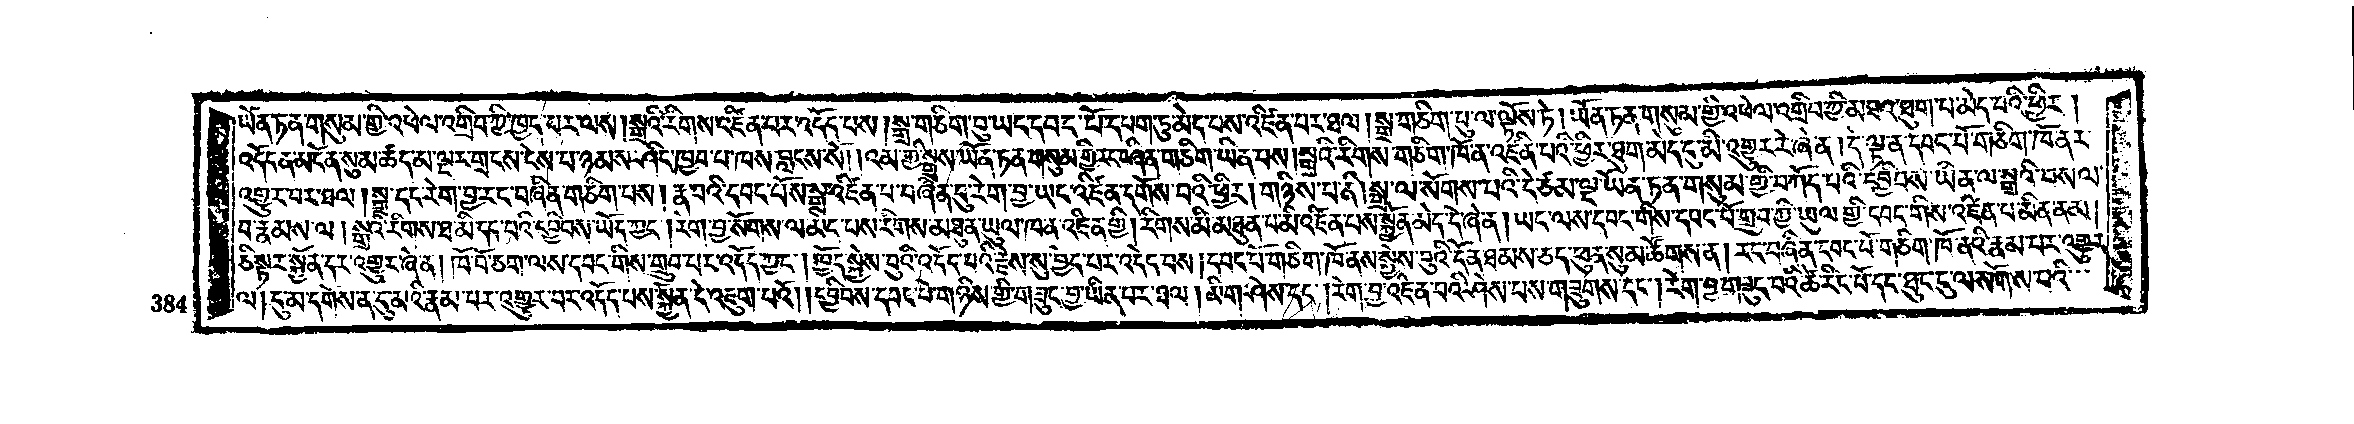ཡོན་ཏན་གསུམ་གྱི་འཕེལ་འགྲིབ་ཀྱི་ཁྱད་པར་ལས། སྒྲའི་རིགས་འཛིན་པར་འདོད་པས། སྒྲ་གཅིག་བུ་ཡང་དབང་པོ་དཔག་ཏུ་མེད་པས་འཛིན་པར་ཐལ། སྒྲ་གཅིག་བུ་ལ་ལྟོས་ཏེ། ཡོན་ཏན་གསུམ་གྱི་འཕེལ་འགྲིབ་ཀྱི་མཐའ་ཐུག་པ་མེད་པའི་ཕྱིར་
འདོད་ན་ངོན་སུམ་ཚད་མ་ལྔར་གྲངས་ངེས་པ་ཉམས་ཤིང་ཁྱབ་པ་ཁས་བླངས་སོ། །འམ་གྱི་སྒྲས་ཡོན་ཏན་གསུམ་གྱི་གསུམ་གྱི་རང་བཞིན་གཅིག་ཡིན་པས། སྒྲའི་རིགས་གཅིག་ཁོ་ན་འཛིན་པའི་ཕྱིར་ཐུག་མེད་དུ་མི་འགྱུར་རེ་ཞེ་ན། དེ་ལྟ་ན་དབང་པོ་གཅིག་ཁོ་ནར་
འགྱུར་བར་ཐལ། སྒྲ་དང་རེག་བྱ་རང་བཞིན་གཅིག་པས། རྣ་བའི་དབང་པོས་སྒྲ་འཛིན་པ་བཞིན་དུ་རེག་བྱ་ཡང་འཛིན་དགོས་པའི་ཕྱིར། གཉིས་པ་ནི། སྒྲ་ལ་སོགས་པའི་དེ་ཙམ་ལྔ་ཡོན་ཏན་གསུམ་གྱི་བཀོད་པའི་དབྱིབས་ཡིན་ལ་སྒྲའི་བསལ་
བ་རྣམས་ལ། སྒྲའི་རིགས་ཐ་མི་དད་པའི་དབྱིབས་ཡོད་ཀྱང་། རེག་བྱ་སོགས་ལ་མེད་པས་རིགས་མཐུན་ཡུལ་ཁོ་ན་འཛིན་གྱི། རིགས་མི་མཐུན་པ་མི་འཛིན་པས་སྐྱོན་མེད་དེ་ཞེ་ན། ཡང་ལས་དབང་གིས་དབང་པོ་གྲུབ་ཀྱི་ཡུལ་གྱི་དབང་གིས་འཛིན་པ་མིན་ནམ།
ཅི་སྟར་སྐྱོན་དང་འགྱུར་ཞེ་ན། ཁོ་བོ་ཅག་ལས་དབང་གྱིས་གྲུབ་པར་འདོད་ཀྱང་། ཁྱོད་སྐྱེས་བུའི་འདོད་པའི་རྗེས་སུ་བྱེད་པར་འདོད་པས། དབང་པོ་གཅིག་ཁོ་ནས་སྐྱེས་བུའི་དོན་ཐམས་ཅད་ཕུན་སུམ་ཚོགས་ན། རང་བཞིན་དབང་པོ་གཅིག་ཁོ་ནའི་རྣམ་པར་འགྱུར་
ལ། དུ་མ་དགོས་ན་དུ་མའི་རྣམ་པར་འགྱུར་པར་འདོད་པས་སྐྱོན་དེ་འཇུག་པའོ། །དབྱིབས་དབང་པོ་གཉིས་གྱི་གཟུང་བྱ་ཡིན་པར་ཐལ། མིག་ཤེས་དང་། རེག་བྱ་འཛིན་པའི་ཤེས་པས་གཟུགས་དང་། རེག་བྱ་གཟུང་བའི་ཚེ་རིང་པོ་དང་ཐུང་ངུ་ལ་སོགས་པའི་